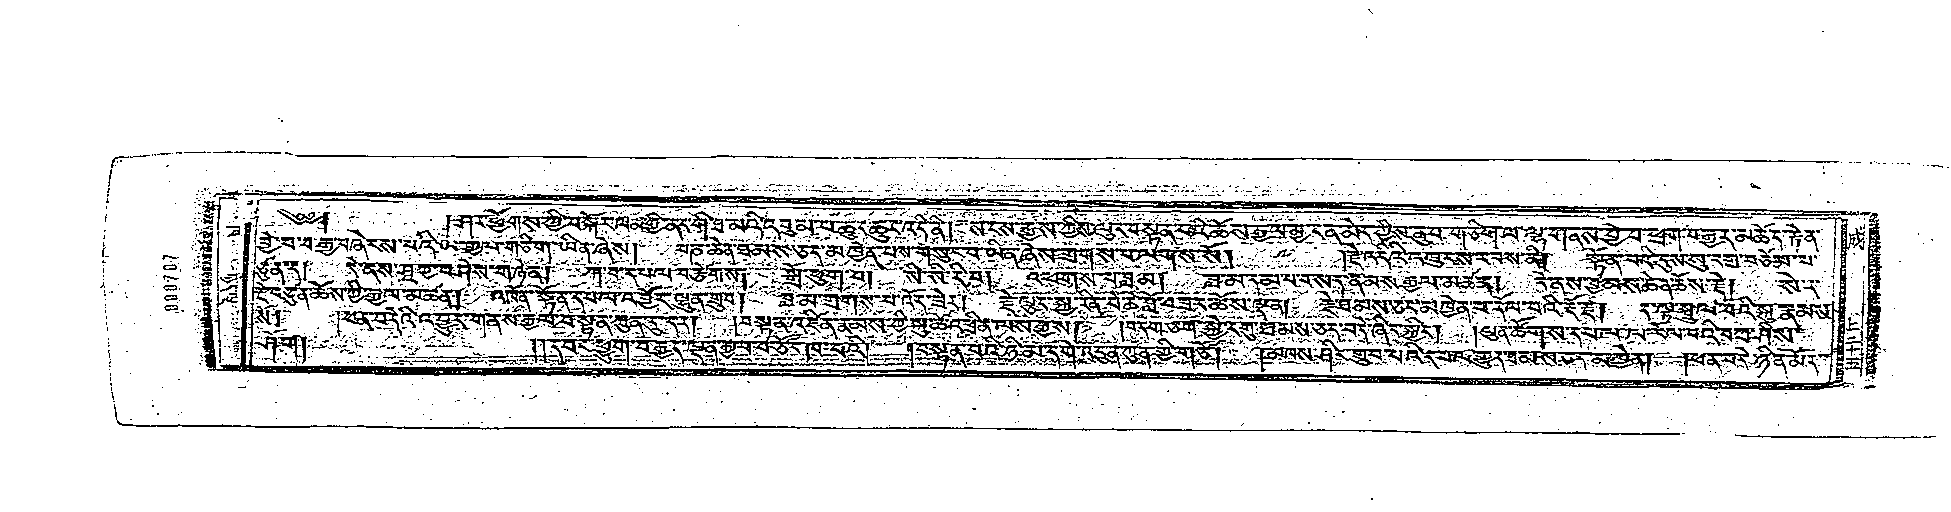༄༅། །ཤར་ཕྱོགས་ཀྱི་བསྐོར་ལམ་གྱི་ནང་གི་ཐ་མའི་འབུམ་པ་ཆུང་ཆུང་འདི་ནི། སངས་རྒྱས་ཀྱིས་ལུང་བསྟན་པའི་ཆོས་རྒྱལ་མྱ་ངན་མེད་ཀྱིས་ནུབ་གཅིག་ལ་ལྷ་གནས་བྱེ་བ་ཕྲག་བརྒྱར་མཆོད་རྟེན་
བྱེ་བ་བརྒྱ་བཞེངས་པའི་ཡ་རྒྱལ་གཅིག་ཡིན་ཞེས། པཎ་ཆེན་ཐམས་ཅད་མཁྱེན་པས་གསུང་བ་ཡིན་ཞེས་གྲགས་པ་ལགས་སོ། ༧་།རྗེ་འདིའི་འཁྲུངས་རབ་ནི། སྟོན་པའི་དུས་སུ་དགྲ་བཅོམ་པ་
ཙུན་ད། དེ་ནས་ཤཱཀྱ་བཤེས་གཉེན། ཀ་བ་དཔལ་བརྩེགས། སྒྲོ་ཕུག་བ། སི་སི་རི་བ། འཕགས་པ་བླ་མ། བླ་མ་དམ་པ་བསོད་ནམས་རྒྱལ་མཚན། དེ་ནས་བྱམས་ཆེན་ཆོས་རྗེ། སེ་ར་
རྗེ་བཙུན་ཆོས་ཀྱི་རྒྱལ་མཚན། འཁོན་སྟོན་དཔལ་འབྱོར་ལྷུན་གྲུབ། བླ་མ་གྲགས་པ་འོད་ཟེར། རྗེ་ལུང་སྐྱ་རིན་པོ་ཆེ་བློ་བཟང་ཆོས་ལྡན། རྗེ་ཐམས་ཅད་མཁྱེན་པ་རོལ་བའི་རྡོ་རྗེ། ད་ལྟ་སྦྲུལ་བའི་སྐུ་རྣམས་
སོ། །ཕན་བདེའི་འབྱུང་གནས་རྒྱལ་བསྟན་ཀུན་དུ་དར། །བསྟན་འཛིན་རྣམས་ཀྱི་སྐུ་ཚེ་འཕྲིན་ལས་རྒྱས། །བདག་ཅག་སྐྱེ་དགུ་ཐམས་ཅད་བདེ་ཞིང་སྐྱིད། །ཕུན་ཚོགས་དཔལ་ལ་རོལ་པའི་བཀྲ་ཤིས་
ཤོག། །།དབང་ཕྱུག་བརྒྱད་ལྡན་རྒྱལ་བ་ཙོང་ཁ་པའི། །བསྟན་པའི་ཉི་མ་དགེ་འདུན་ཀུན་གྱི་གཙོ། །མཁས་ཤིང་གྲུབ་པའི་དཔལ་གྱུར་ཐམས་ཅད་མཁྱེན། །ཕན་བདེ་ཉིན་མོར་